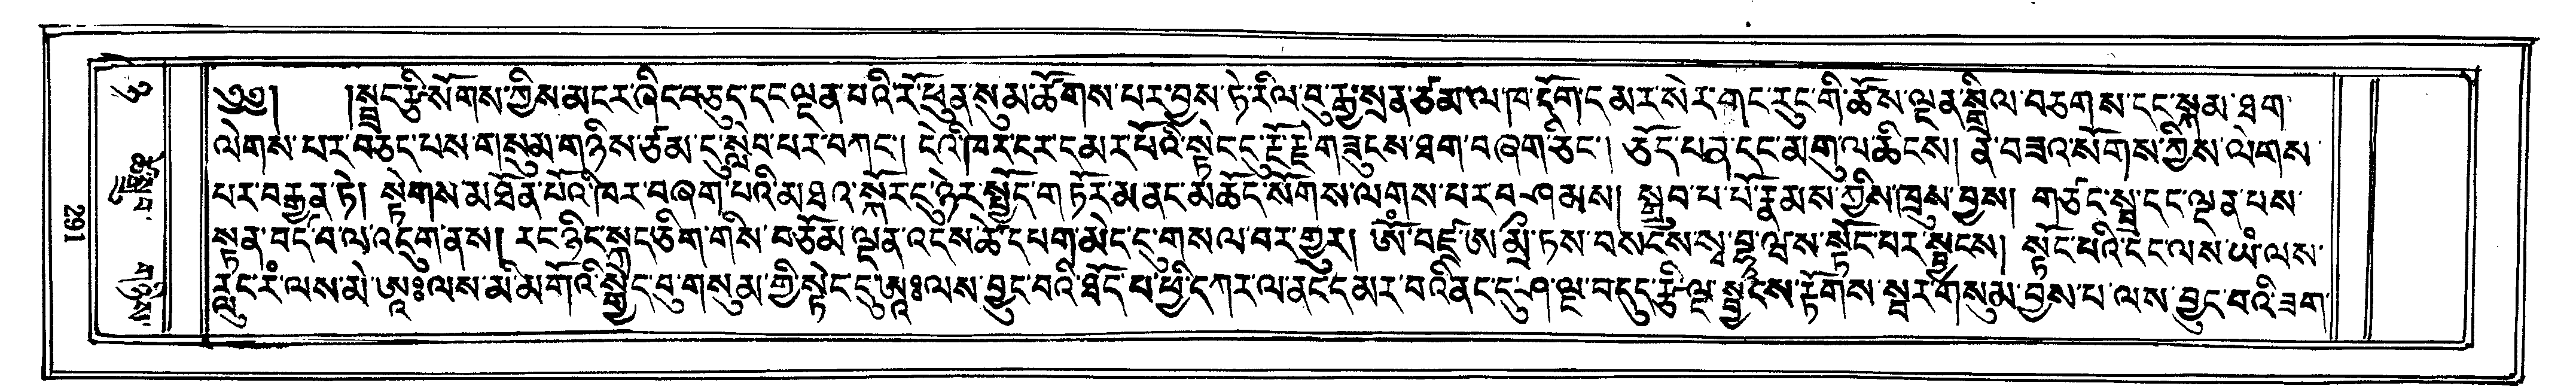༄༅། །སྦྲང་རྩི་སོགས་ཀྱིས་མངར་ཞིང་བཅུད་དང་ལྡན་པའི་རོ་ཕུན་སུམ་ཚོགས་པར་བྱས་ཏེ་རིལ་བུ་རྒྱ་སྲན་ཙམ་ལ་ཁ་དོག་དམར་སེར་གང་རུང་གི་ཚོས་ལྡན་སྒྲིལ་བཅགས་དང་སྐམ་ཐག་
ལེགས་པར་བཅད་པས་གསུམ་གཉིས་ཙམ་དུ་སླེབ་པར་བཀང་། དེའི་ཁར་ངར་དམར་པོའི་སྟེང་དུ་རྡོ་རྗེ་གཟུངས་ཐག་བཞག་ཅིང་། ཅོད་པན་དང་མགུལ་ཆིངས། ན་བཟའ་སོགས་ཀྱིས་ལེགས་
པར་བརྒྱན་ཏེ། སྟེགས་མཐོན་པོའི་ཁར་བཞག་པའི་མཐའ་སྐོར་དུ་ཉེར་སྤྱོད་གཏོར་མ་ན་ངམ་ཆོད་སོགས་ལེགས་པར་བཤམས། སྒྲུབ་པ་པོ་རྣམས་ཀྱིས་ཁྲུས་བྱས། གཙང་སྤྲ་དང་ལྡན་པས་
སྟན་བདེ་བ་ལ་འདུག་ནས། རང་ཉིད་སྐད་ཅིག་གིས་བཅོམ་ལྡན་འདས་ཚེ་དཔག་མེད་དུ་གསལ་བར་གྱུར། ཨོཾ་བཛྲ་ཨ་མྲྀ་ཏས་བསངས་སྭ་བྷཱ་ཝས་སྟོང་པར་སྦྱངས། སྟོང་བའི་ངང་ལས་ཡཾ་ལས་
རླུང་རཾ་ལས་མེ་ཨཱཿལས་མི་མགོའི་སྒྱེད་བུ་གསུམ་གྱི་སྟེང་དུ་ཨཱཿལས་བྱུང་བའི་ཐོད་པ་ཕྱི་དཀར་ལ་ནང་དམར་བའི་ནང་དུ་ཤ་ལྔ་བདུད་རྩི་ལྔ་སྦྱངས་རྟོགས་སྤར་གསུམ་བྱས་པ་ལས་བྱུང་བའི་ཟག་